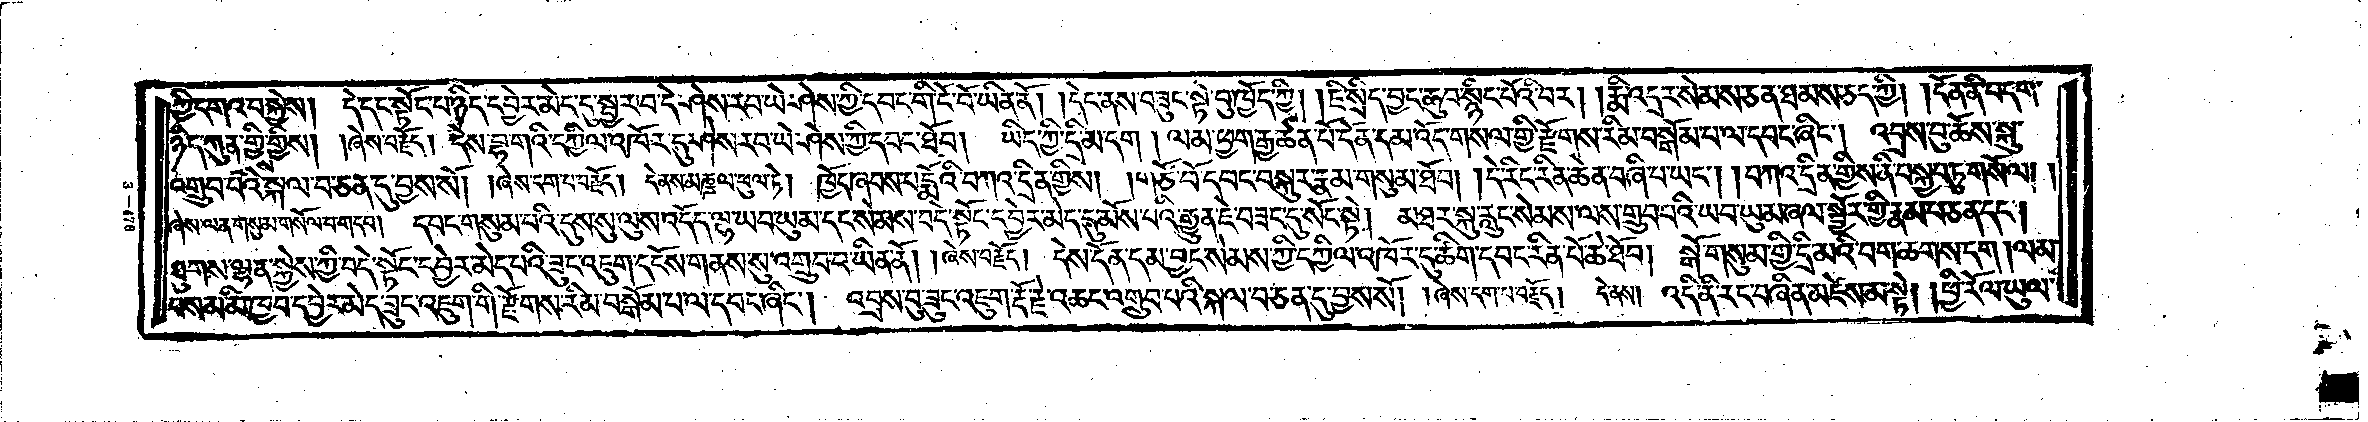ཀྱི་དགའ་བསྐྱེས། དེ་དང་སྟོང་པ་ཉིད་དབྱེར་མེད་དུ་སྦྱར་བ་དེ་ཤེས་རབ་ཡེ་ཤེས་ཀྱི་དབང་གི་ངོ་བོ་ཡིན་ནོ། །དེང་ནས་བཟུང་སྟེ་བུ་ཁྱོད་ཀྱི། །ཇི་སྲིད་བྱང་ཆུབ་སྙིང་པོའི་བར། །རྨི་འདྲར་སེམས་ཅན་ཐམས་ཅད་ཀྱི། །དོན་ནི་བདག་
ཉིད་ཀུན་གྱིས་གྱིས། །ཞེས་བརྗོད། དེས་བྷ་གའི་དཀྱིལ་འཁོར་དུ་ཤེས་རབ་ཡེ་ཤེས་ཀྱི་དབང་ཐོབ། ཡིད་ཀྱི་དྲི་མ་དག །ལམ་ཕྱག་རྒྱ་ཆེན་པོ་དོན་དམ་འོད་གསལ་གྱི་རྫོགས་རིམ་བསྒོམ་པ་ལ་དབང་ཞིང་། འབྲས་བུ་ཆོས་སྐུ་
འགྲུབ་པའི་སྐལ་བ་ཅན་དུ་བྱས་སོ། །ཞེས་དག་པ་བརྗོད། དེ་ནས་མཎྜལ་ཕུལ་ཏེ།  ཁྱོད་ཞབས་པདམོའི་བཀའ་དྲིན་གྱིས། །གཙོ་བོ་དབང་བསྐུར་རྣམ་གསུམ་ཐོབ། །དེ་རིང་རིན་ཆེན་བཞི་པ་ཡང་། །བཀའ་དྲིན་གྱིས་ནི་བསྐྱབ་ཏུ་གསོལ། །
ཞེས་ལན་གསུམ་གསོལ་བ་གདབ།  དབང་གསུམ་པའི་དུས་སུ་ལུས་འདོད་ལྷ་ཡབ་ཡུམ་དང་སེམས་བདེ་སྟོང་དབྱེར་མེད་དུ་མོས་པའི་རྒྱུན་ཇེ་བཟང་དུ་སོང་སྟེ། མཐར་སྐུ་རླུང་སེམས་ལས་གྲུབ་པའི་ཡབ་ཡུམ་ཞལ་སྦྱོར་གྱི་རྣམ་པ་ཅན་དང་།
ཐུགས་ལྷན་སྐྱེས་ཀྱི་བདེ་སྟོང་དབྱེར་མེད་པའི་ཟུང་འཇུག་དངོས་གནས་སུ་འགྲུབ་པ་ཡིན་ནོ། །ཞེས་བརྗོད།  དེས་དོན་དམ་བྱང་སེམས་ཀྱི་དཀྱིལ་འཁོར་དུ་ཚིག་དབང་རིན་པོ་ཆེ་ཐོབ། སྒོ་གསུམ་གྱི་དྲི་མའི་བག་ཆགས་དག །ལམ་
བསམ་མི་ཁྱབ་དབྱེར་མེད་ཟུང་འཇུག་གི་རྫོགས་རིམ་བསྒོམ་པ་ལ་དབང་ཞིང་། འབྲས་བུ་ཟུང་འཇུག་རྡོ་རྗེ་འཆང་འགྲུབ་པའི་སྐལ་བ་ཅན་དུ་བྱས་སོ། །ཞེས་དག་པ་བརྗོད། དེ་ནས།  འདི་ནི་རང་བཞིན་མཛེས་མ་སྟེ། །ཕྱི་རོལ་ཡུལ་